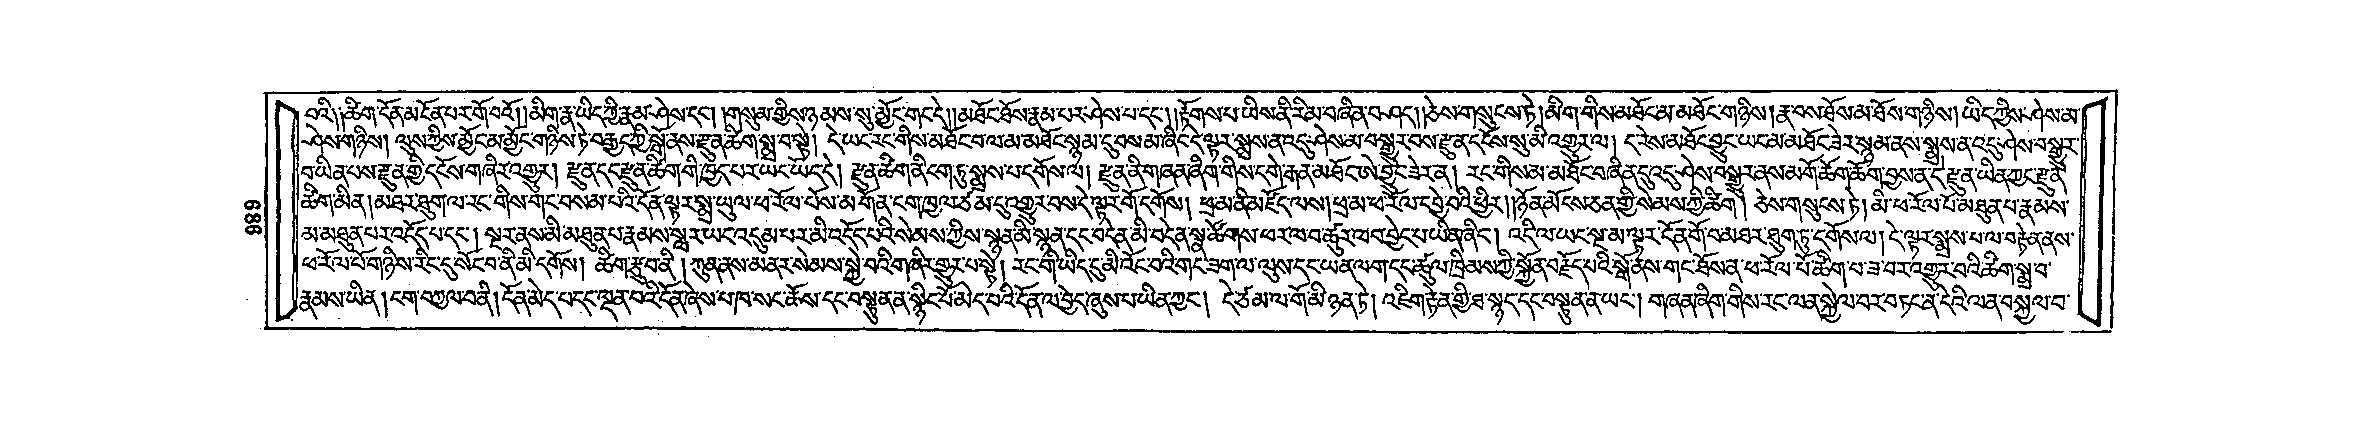བའི། །ཚིག་དོན་མངོན་པར་གོ་བའོ། །མིག་རྣ་ཡིད་ཀྱི་རྣམ་ཤེས་དང་། །གསུམ་གྱིས་ཉམས་སུ་མྱོང་གང་དེ། །མཐོང་ཐོས་རྣམ་པར་ཤེས་པ་དང་། །རྟོགས་པ་ཡིས་ནི་རིམ་བཞིན་བཤད། ཅེས་གསུངས་ཏེ། མིག་གིས་མཐོང་མ་མཐོང་གཉིས། རྣ་བས་ཐོས་མ་ཐོས་གཉིས། ཡིད་ཀྱིས་ཤེས་མ་
ཤེས་གཉིས། ལུས་ཀྱིས་མྱོང་མ་མྱོང་གཉིས་ཏེ་བརྒྱད་ཀྱི་སྒོ་ནས་རྫུན་ཚིག་སྨྲ་བ་སྟེ། དེ་ཡང་རང་གིས་མཐོང་བ་ལ་མ་མཐོང་སྙམ་དུ་བསམ་ཞིང་དེ་ལྟར་སྨྲས་ན་འདུ་ཤེས་མ་བསྒྱུར་བས་རྫུན་དངོས་སུ་མི་འགྱུར་ལ། ད་རེས་མཐོང་བྱུང་ཡང་མ་མཐོང་ཟེར་སྙམ་ནས་སྨྲས་ན་འདུ་ཤེས་བསྒྱུར་
བ་ཡིན་པས་རྫུན་གྱི་དངོས་གཞིར་འགྱུར། རྫུན་དང་རྫུན་ཚིག་གི་ཁྱད་པར་ཡང་ཡོད་དེ། རྫུན་ཚིག་ནི་ངག་ཏུ་སྨྲས་པ་དགོས་ལ། རྫུན་ནི་གཞན་ཞིག་གིས་དགེ་རྒན་མཐོང་ཨེ་བྱུང་ཟེར་ན། རང་གིས་མ་མཐོང་བཞིན་དུ་འདུ་ཤེས་བསྒྱུར་ནས་མགོ་ཆོག་ཆོག་བྱས་ན་དེ་རྫུན་ཡིན་ཀྱང་རྫུན་
ཚིག་མིན། མཐར་ཐུག་ལ་རང་གིས་གང་བསམ་པའི་དོན་ལྟར་སྨྲ་ཡུལ་ཕ་རོལ་པོས་མགོན་ངག་ཁྱལ་ཙམ་དུ་འགྱུར་བས་དེ་ལྟར་གོ་དགོས། ཕྲ་མ་ནི་མཛོད་ལས། ཕྲ་མ་ཕ་རོལ་དབྱེ་བའི་ཕྱིར། །ཉོན་མོངས་ཅན་གྱི་སེམས་ཀྱི་ཚིག །ཅེས་གསུངས་ཏེ། མི་ཕ་རོལ་པོ་མཐུན་པ་རྣམས་
མ་མཐུན་པར་འདོད་པ་དང་། སྔར་ནས་མི་མཐུན་པ་རྣམས་སླར་ཡང་འདུམ་པར་མི་འདོད་པའི་སེམས་ཀྱིས་སྙན་མི་སྙན་དང་བདེན་མི་བདེན་སྣ་ཚོགས་ཕར་ལ་བ་ཚུར་ལབ་བྱེད་པ་ཡིན་ཞིང་། འདི་ལ་ཡང་སྔ་མ་ལྟར་དོན་གོ་བ་མཐར་ཐུག་ཏུ་དགོས་ལ། དེ་ལྟར་སྨྲས་པ་ལ་བརྟེན་ནས་
ཕ་རོལ་པོ་གཉིས་རིང་དུ་སོང་བ་ནི་མི་དགོས། ཚིག་རྩུབ་ནི། ཀུན་ནས་མནར་སེམས་སྐྱེ་བའི་གཞིར་གྱུར་པ་སྟེ། རང་གི་ཡིད་དུ་མི་འོང་བའི་གང་ཟག་ལ་ལུས་དང་ཡན་ལག་དང་ཚུལ་ཁྲིམས་ཀྱི་སྐྱོན་བརྗོད་པའི་སྒོ་ནས་གང་ཐོས་ན་ཕ་རོལ་པོ་ཚིག་པ་ཟ་བར་འགྱུར་བའི་ཚིག་སྨྲ་བ་
རྣམས་ཡིན། ངག་བཀྱལ་བ་ནི། དོན་མེད་པ་དང་ལྡན་པའི་དོན་ཞེས་པ་ཁ་སང་ཆོས་དང་བསྟུན་ན་སྙིང་པོ་མེད་པའི་དོན་ལ་བྱེད་ཞུས་པ་ཡིན་ཀྱང་། དེ་ཙམ་ལ་གོ་མི་ཉན་ཏེ། འཇིག་རྟེན་གྱི་ཐ་སྙད་དང་བསྟུན་ན་ཡང་། གཞན་ཞིག་གིས་རང་ལན་སྐྱེལ་བར་བཏང་ན་དེའི་ལན་བསྐྱལ་བ་